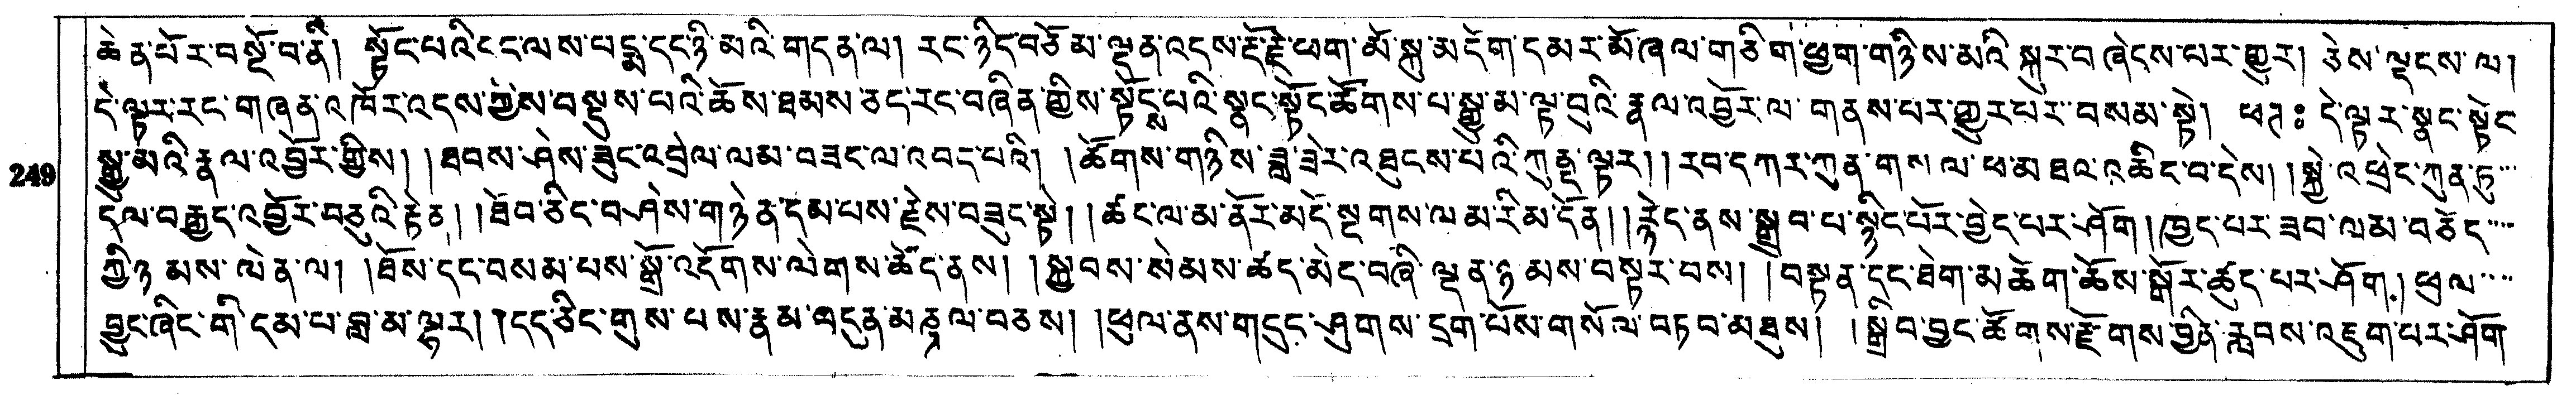ཆེན་པོར་བསྔོ་བ་ནི། སྟོང་པའི་ངང་ལས་པདམ་དང་ཉི་མའི་གདན་ལ། རང་ཉིད་བཅོམ་ལྡན་འདས་རྡོ་རྗེ་ཕག་མོ་སྐུ་མདོག་དམར་མོ་ཞལ་གཅིག་ཕྱག་གཉིས་མའི་སྐུར་བཞེངས་པར་གྱུར། ཅེས་ལྡངས་ལ།
དེ་ལྟར་རང་གཞན་འཁོར་འདས་ཀྱིས་བསྡུས་པའི་ཆོས་ཐམས་ཅད་རང་བཞིན་གྱིས་སྟོངས་པའི་སྣང་སྟོང་ཚོགས་པ་སྒྱུ་མ་ལྟ་བུའི་རྣལ་འབྱོར་ལ་གནས་པར་གྱུར་པར་བསམ་སྟེ། ཕཊཿ དེ་ལྟར་སྣང་སྟེང་
སྒྱུ་མའི་རྣལ་འབྱོར་གྱིས། །ཐབས་ཤེས་ཟུང་འབྲེལ་ལམ་བཟང་ལ་འབད་པའི། །ཚོགས་གཉིས་ཟླ་ཟེར་འཐུངས་པའི་ཀུནྡ་ལྟར། །རབ་དཀར་ཀུན་གསལ་ཕ་མཐའ་འཆིང་བ་དེས། །སྐྱེ་འཕྲེང་ཀུན་ཏུ་
དལ་བརྒྱད་འབྱོར་བཅུའི་རྟེན། །ཐོབ་ཅིང་བཤེས་གཉེན་དམ་པས་རྗེས་བཟུང་སྟེ། །ཚང་ལ་མ་ནོར་མདོ་སྔགས་ལམ་རིམ་དོན། །རྙེད་ནས་སྒྲུབ་པ་སྙིང་པོར་བྱེད་པར་ཤོག །ཁྱད་པར་ཟབ་ལམ་བཅོད་
ཀྱི་ཉམས་ལེན་ལ། །ཐོས་དང་བསམ་པས་སྒྲོན་འདོགས་ལེགས་ཆོད་ནས། །སྐྱབས་སེམས་ཚད་མེད་བཞི་ལྡན་ཉམས་བསྟར་བས། །བསྟན་དང་ཐེག་མཆོག་ཆོས་སྒོར་ཚུད་པར་ཤོག །ཕུལ་
བྱུང་ཞིང་གི་དམ་པ་བླ་མ་ལྷར། །དད་ཅིང་གུས་པས་རྣམ་འདུན་མཎྜལ་བཅས། །ཕུལ་ནས་གདུང་ཤུགས་དྲག་པོས་གསོལ་བཏབ་མཐུས། །སྒྲིབ་བྱང་ཚོགས་རྫོགས་བྱིན་རླབས་འཇུག་པར་ཤོག་